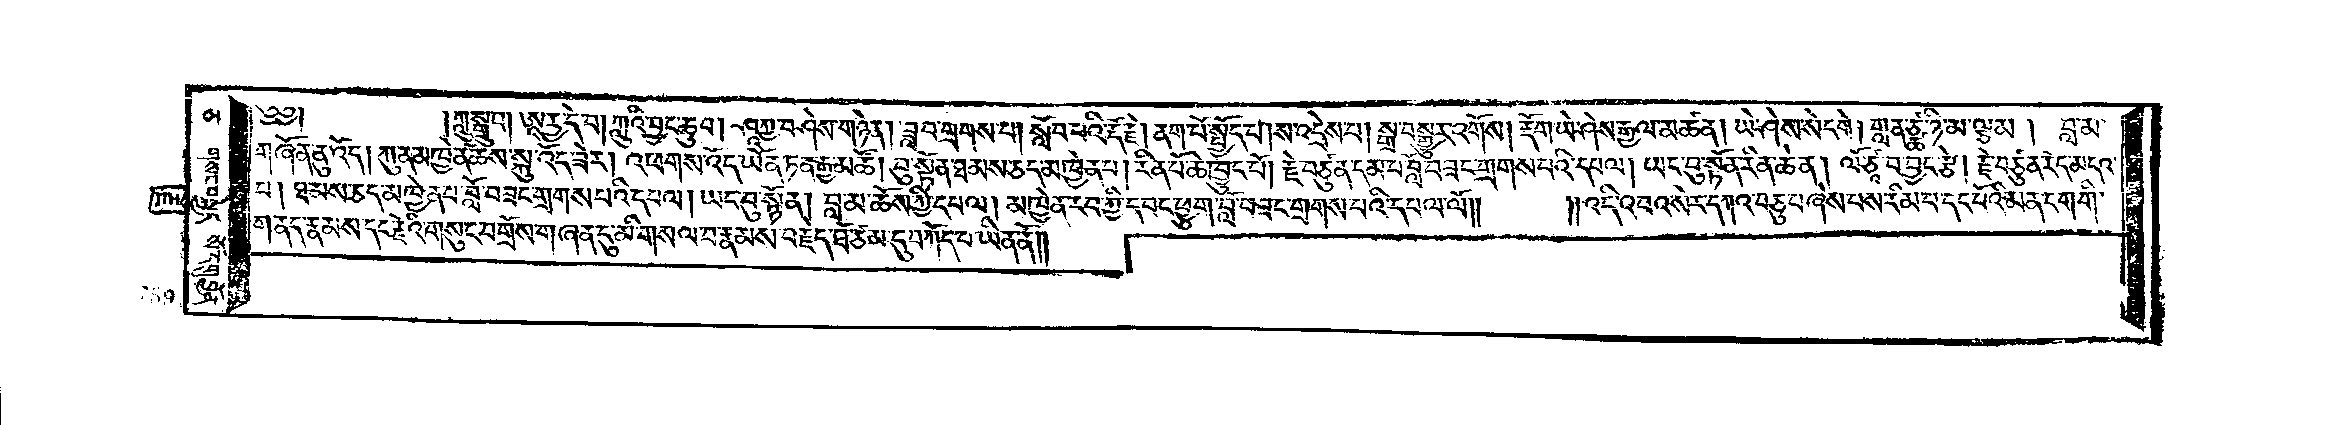༄༅། །ཀླུ་སྒྲུབ། ཨཱརྱ་དེ་བ། ཀླུའི་བྱང་ཆུབ། ཤཱཀྱ་བཤེས་གཉེན། ཟླ་བ་གྲགས་པ། སློབ་པའི་རྡོ་རྗེ། ནག་པོ་སྤྱོད་པ། ས་འདྲེས་པ། སྒྲ་བསྒྱུར་འགོས། རྡོག་ཡེ་ཤེས་རྒྱལ་མཚན། ཡེ་ཤེས་སེང་གེ། གླན་ཙྪ་ཉི་མ་ལྕམ། བླ་མ་
གཞོན་ནུ་འོད། ཀུན་མཁྱེན་ཆོས་སྐུ་འོད་ཟེར། འཕགས་འོད་ཡོན་ཏན་རྒྱ་མཚོ། བུ་སྟོན་ཐམས་ཅད་མཁྱེན་པ། རིན་པོ་ཆེ་ཁྱུང་པོ། རྗེ་བཙུན་དམ་པ་བློ་བཟང་གྲགས་པའི་དཔལ། ཡང་བུ་སྟོན་རིན་ཆེན། ལོ་ཙཱ་བ་བྱང་རྩེ། རྗེ་བཙུན་རེད་མདའ་
པ། ཐམས་ཅད་མཁྱེན་པ་བློ་བཟང་གྲགས་པའི་དཔལ། ཡང་བུ་སྙོན། བླ་མ་ཆོས་ཀྱི་དཔལ། མཁྱེན་རབ་ཀྱི་དབང་ཕྱུག་བློ་བཟང་གྲགས་པའི་དཔལ་ལོ།། །།འདི་འབའ་སེར་དཀའ་བཅུ་པ་ཞེས་པས་རིམ་པ་དང་པོའི་མན་ངག་གི་
གནད་རྣམས་དང་རྗེའི་གསུང་བགྲོས་གཞན་དུ་མི་གསལ་བ་རྣམས་བརྗེད་ཐོ་ཙམ་དུ་བཀོད་པ་ཡིན་ནོ།།??རྒྱ྄་༄༅། །གསང་འདུས་དཀའ་གནད་ཟིན་བྲིས་བཞུགས་སོ། །